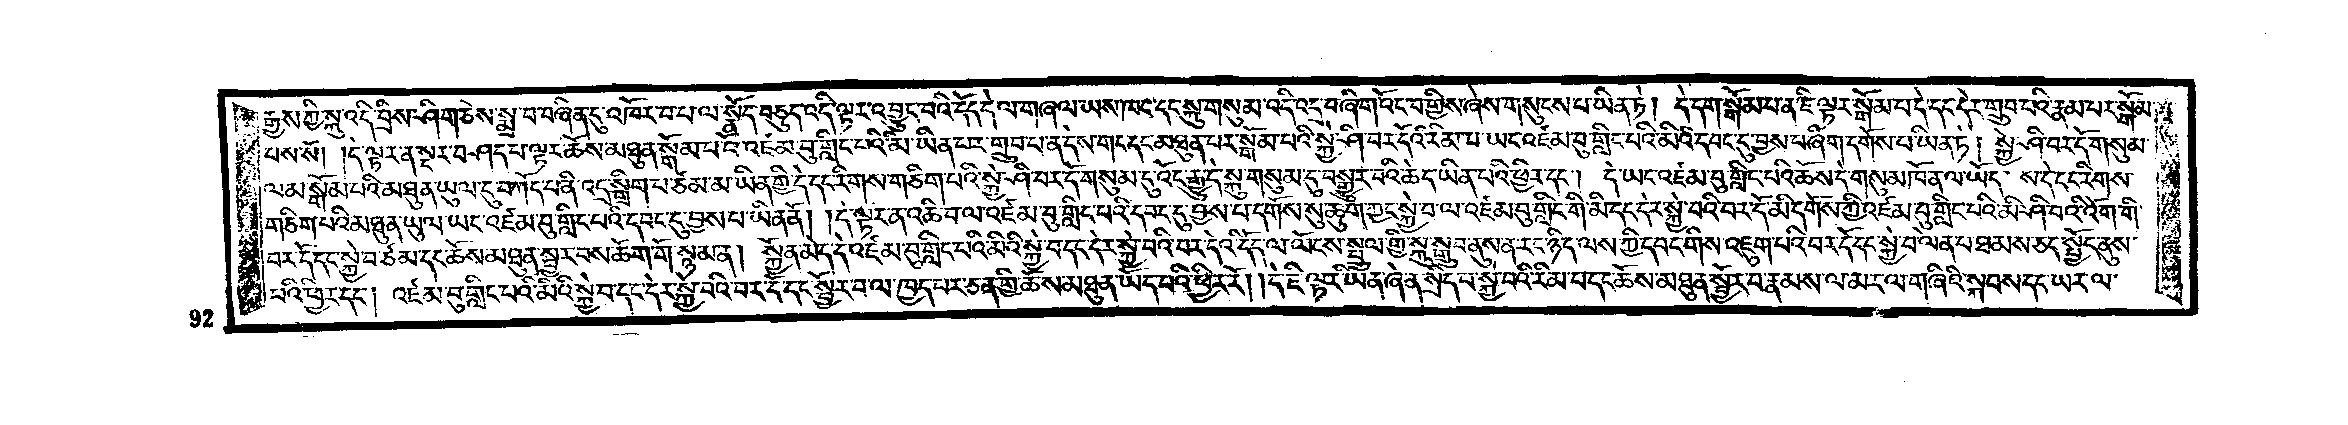རྒྱས་ཀྱི་སྐུ་འདི་བྲིས་ཤིག་ཅས་སྨྲ་བ་བཞིན་དུ་འཁོར་བ་པ་ལ་སྣོད་བཅུད་འདི་ལྟར་འབྱུང་བའི་དོད་དེ་ལ་གཞལ་ཡས་ཁང་དང་སྐུ་གསུམ་འདི་འདྲ་བ་ཞིག་འོང་བ་གྱིས་ཞེས་གསུངས་པ་ཡིན་ཏེ། དེ་དག་སྒོམ་པ་ན་ཇི་ལྟར་སྒོམ་པ་དེ་དང་དེར་གྲུབ་པའི་རྣམ་པར་སྐོམ་
པས་སོ། །དེ་ལྟར་ན་སྔར་བཤད་པ་ལྟར་ཆོས་མཐུན་སྒོམ་པ་པོ་འཛམ་བུ་གླིང་པའི་མི་ཡིན་པར་གྲུབ་པ་ན་དེས་གང་དང་མཐུན་པར་སྒོམ་པའི་སྐྱེ་ཤི་བར་དོའི་རིམ་པ་ཡང་འཛམ་བུ་གླིང་པའི་མིའི་དབང་དུ་བྱས་པ་ཞིག་དགོས་པ་ཡིན་ཏེ། སྐྱེ་ཤི་བར་དོ་གསུམ་
ལམ་སྒོམ་པའི་མཐུན་ཡུལ་དུ་བཀོད་པ་ནི་འདྲ་སྒྲིག་པ་ཙམ་མ་ཡིན་གྱི་དེ་དང་རིགས་གཅིག་པའི་སྐྱེ་ཤི་བར་དོ་གསུམ་དུ་འོང་རྒྱུ་དེ་སྐུ་གསུམ་དུ་བསྒྱུར་བའི་ཆེད་ཡིན་པའི་ཕྱིར་དང་། དེ་ཡང་འཛམ་བུ་གླིང་པའི་ཆོས་དེ་གསུམ་ཁོ་ན་ལ་ཡོད་པས་དེ་དང་རིགས་
གཅིག་བའི་མཐུན་ཡུལ་ཡང་འཛམ་བུ་གླིང་པའི་དབང་དུ་བྱས་པ་ཡིན་ནོ། །དེ་ལྟར་ན་འཆི་བ་ལ་འཛམ་བུ་གླིང་པའི་དབང་དུ་བྱས་པ་དགོས་སུ་ཆུག་ཀྱང་སྐྱེ་བ་ལ་འཛམ་བུ་གླིང་གི་མི་དང་དེར་སྐྱེ་བའི་བར་དོ་མི་དགོས་ཀྱི་འཛམ་བུ་གླིང་པའི་མི་ཤི་བའི་འོག་གི་
བར་དོ་དང་སྐྱེ་བ་ཙམ་དང་ཆོས་མཐུན་སྦྱར་བས་ཆོག་གོ་སྙམ་ན། སྐྱོན་མེད་དེ་འཛམ་བུ་གླིང་པའི་མིའི་སྐྱེ་བ་དང་དེར་སྐྱེ་བའི་བར་དེའི་དོད་ལ་ལོངས་སྤྲུལ་གྱི་སྐུ་སྒྲུབ་ནུས་ན་རང་ཉིད་ལས་ཀྱི་དབང་གིས་འཇུག་པའི་བར་དོ་དང་སྐྱེ་བ་ལེན་པ་ཐམས་ཅད་སྤྱོང་ནུས་
པའི་ཕྱིར་དང་། འཛམ་བུ་གླིང་པའི་མིའི་སྐྱེ་བ་དང་དེར་སྐྱེ་བའི་བར་དོ་དང་སྦྱོར་བ་ལ་ཁྱད་པར་ཅན་གྱི་ཆོས་མཐུན་ཡོད་པའི་ཕྱིར་རོ། །དེ་ཇི་ལྟར་ཡིན་ཞེ་ན་སྲིད་པ་སྐྱེ་བའི་རིམ་པ་དང་ཆོས་མཐུན་སྤྱོར་བ་རྣམས་ལ་མར་ལ་གཞིའི་སྐབས་དང་ཡར་ལ་